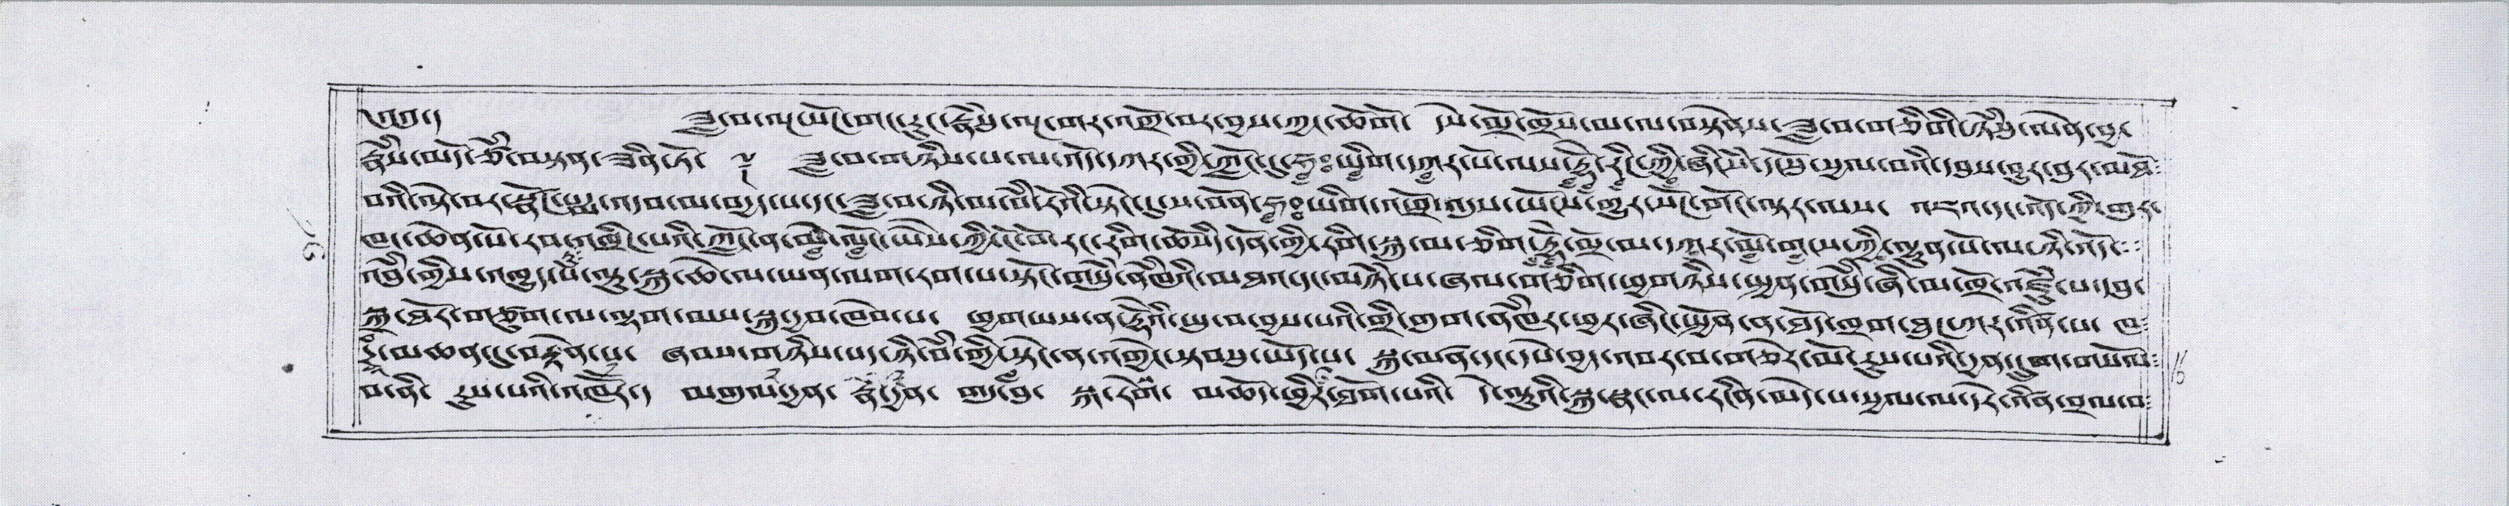ཟླ་བ་ལྔ་སོགས་གང་རུང་རྣམས་སུ་ལྔ་གར་འགྲོ་བར་བྱས་ཀྱང་ཆོག་གོ །དེས་མཁའ་འགྲོ་ཁྲོས་མ་ལ་བརྟེན་ནས་ཟླ་ག་གཅིག་གི་ཉམས་སུ་ལེན་བྱ་
རྣམས་མདོ་ཙམ་བསྟན་ཟིན་ནོ།། ༧ ཟླ་བ་གཉིས་པ་ལ་འོད་དཀར་གྱི་ཀློང་དུ་ཧ་ཡིག་དཀར་པོ་ལས་རྡོ་རྗེ་རིགས་ཀྱི་ཞིང་ཁམས་དངོས་སུ་གསལ་བའི་དབུས་བྱུར་བུར་མཐོ་
བའི་ལྟེ་བར་སྣ་ཚོགས་པདྨ་འདབ་མ་བརྒྱད་པ་དང་ཟླ་བ་ཉི་མ་བམ་རོའི་སྟེང་དུ་ས་བོན་ཧ་ཡིག་འཕྲོ་འདུས་ཡོངས་གྱུར་སོགས་གོང་ལྟར་ལས། འཇའ་དང་འོད་ཀྱི་གུར་
ཁང་ཆེན་པོ་རབ་ཏུ་འཁྲིགས་པའི་ཀློང་ན་མེ་ལོང་ཡེ་ཤེས་ཀྱི་ངོ་བོ་རང་རིག་ཆོས་ཉིད་དོན་གྱི་རིག་སྐུ་མ་ཅིག་རྡོ་རྗེ་མཁའ་འགྲོ་མ་དཀར་མོ་གངས་ཀྱི་ལྷུན་པོ་ལ་ཉི་འོད་
འབུམ་གྱིས་འཁྱུད་པ་ལྟ་བུ་སྐུ་ཆེ་ལ་ཡན་ལག་རག་པ་སྟོང་གསུམ་ནམ་མཁའི་མཐའ་དང་མཉམ་པ་ཞལ་གཅིག་ཕྱག་གཉིས་སྤྱན་གསུམ་ཞི་མ་ཁྲོ་འཛུམ་པ་དབུ་
སྐྲ་ཐོར་ཙུག་ལ་ལྷག་མས་སྐུ་རྒྱབ་ཁེབ་པ། ཕྱག་གཡས་ན་རྡོ་རྗེའི་ཡུ་བ་བྱས་པའི་གྲི་གུག་ནམ་མཁར་ཕྱར་ཞིང་གཡོན་ན་ཐོད་ཁྲག་ཐུགས་ཁར་འཛིན་པ། ཁ་
ཊཾ་མཆན་དུ་བརྟེན་པ། ཞབས་གཉིས་པད་ཉི་བམ་གྱི་སྟེང་ན་འགྱིང་སྟབས་སུ་ཡོད་པ། སྐུ་མཚན་དང་དཔེ་བྱད་ལྡན་པ། གཅེར་མོ་རུས་པའི་རྒྱན་དྲུག་གསོལ་
བ་ནི། ༡རུས་པའི་འཁོར་ལོ་ ༢འགུལ་རྒྱན་ ༣རྣ་རྒྱན་ ༤གདུ་བུ་ ༥སྐ་རག ༦མཆོད་ཕྱིར་ཐོག་པའི་དེ་ལྟ་བུའི་སྐུ་སྣང་ལ་རང་བཞིན་མེད་པ་གསལ་ལ་དེར་འཛིན་བྲལ་བ།